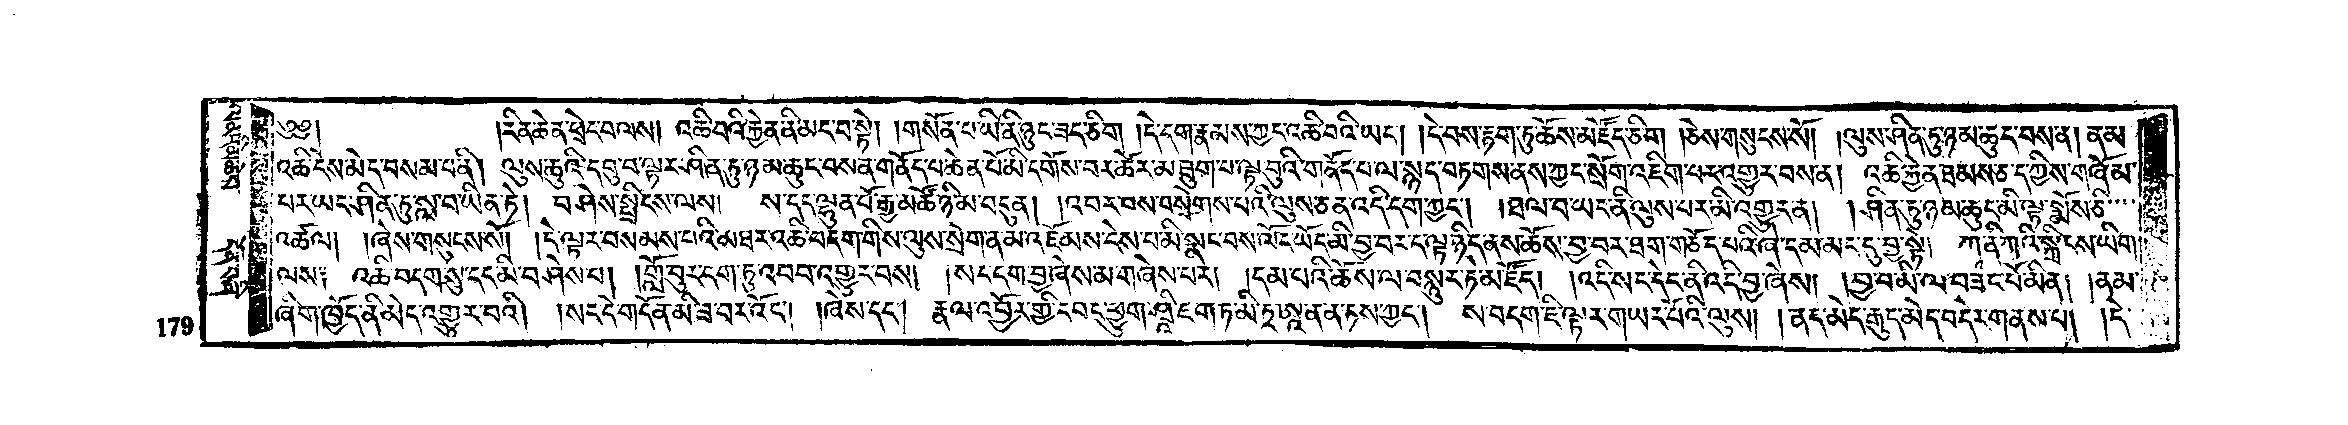༄༅། །རིན་ཆེན་ཕྲེང་བ་ལས། འཆི་བའི་རྐྱེན་ནི་མང་བ་སྟེ། །གསོན་པ་ཡི་ནི་ཉུང་ཟད་ཅིག །དེ་དག་རྣམས་ཀྱང་འཆི་བའི་ཡང་། །དེ་བས་རྟག་ཏུ་ཆོས་མཛོད་ཅིག །ཅེས་གསུངས་སོ། །ལུས་ཤིན་ཏུ་ཉམ་ཆུད་བས་ན། ནམ་
འཆི་ངེས་མེད་བསམ་པ་ནི། ལུས་ཆུའི་དབུ་བ་ལྟར་ཤིན་ཏུ་ཉམ་ཆུང་བས་ན་གནོད་པ་ཆེན་པོ་མི་དགོས་བར་ཚེར་མ་ཟུག་པ་ལྟ་བུའི་གནོད་པ་ལ་སྙད་བཏགས་ནས་ཀྱང་སྲོག་འཇིག་པར་འགྱུར་བས་ན། འཆི་རྐྱེན་ཐམས་ཅད་དཀྱིས་གཞོམ་
པར་ཡང་ཤིན་ཏུ་སླ་བ་ཡིན་ཏེ། བཤེས་སྤྲིངས་ལས། ས་དང་ལྷུན་པོ་རྒྱ་མཚོ་ཉི་མ་བདུན། །འབར་བས་བསྲེགས་པའི་ལུས་ཅན་འདི་དག་ཀྱང་། །ཐལ་བ་ཡང་ནི་ལུས་པར་མི་འགྱུར་ན། །ཤིན་ཏུ་ཉམ་ཆུང་མི་ལྟ་སྨོས་ཅི་
འཚལ། །ཞེས་གསུངས་སོ། །དེ་ལྟར་བསམས་པའི་མཐར་འཆི་བདག་གིས་ལུས་སྲོག་ནམ་འཇོམས་ངེས་པ་མི་སྣང་བས་ལོང་ཡོད་མི་བྱ་བར་ད་ལྟ་ཉིད་ནས་ཆོས་བྱ་བར་ཐག་གཅོད་པའི་ཞེ་དམ་མང་དུ་བྱ་སྟེ། ཀཱ་ནི་ཀའི་སྦྲིངས་ཡིག་
ལས༑ འཆི་བདག་སུ་དང་མི་བཤེས་པ། །གློ་བུར་དག་ཏུ་འབབ་འགྱུར་བས། །སང་དག་བྱ་ཞེས་མ་གཞེས་པར། །དམ་པའི་ཆོས་ལ་བསྙུར་ཏེ་མཛོད། །འདི་སང་དེང་ནི་འདི་བྱ་ཞེས། །བྱ་བ་མི་ལ་བཟང་པོ་མིན། །ནམ་
ཞིག་ཁྱོད་ནི་མེད་འགྱུར་བའི། །སང་དེ་གདོན་མི་ཟ་བར་འོང་། །ཞེས་དང་། རྣལ་འབྱོར་གྱི་དབང་ཕྱུག་ཤྲའི་ཛ་ག་ཏ་མི་ཏྲ་ཨཱ་ནན་ཏས་ཀྱང་། ས་བདག་ཇི་ལྟར་གཡར་པོའི་ལུས། །ནད་མེད་རྒུད་མེད་བདེར་གནས་པ། །དེ་